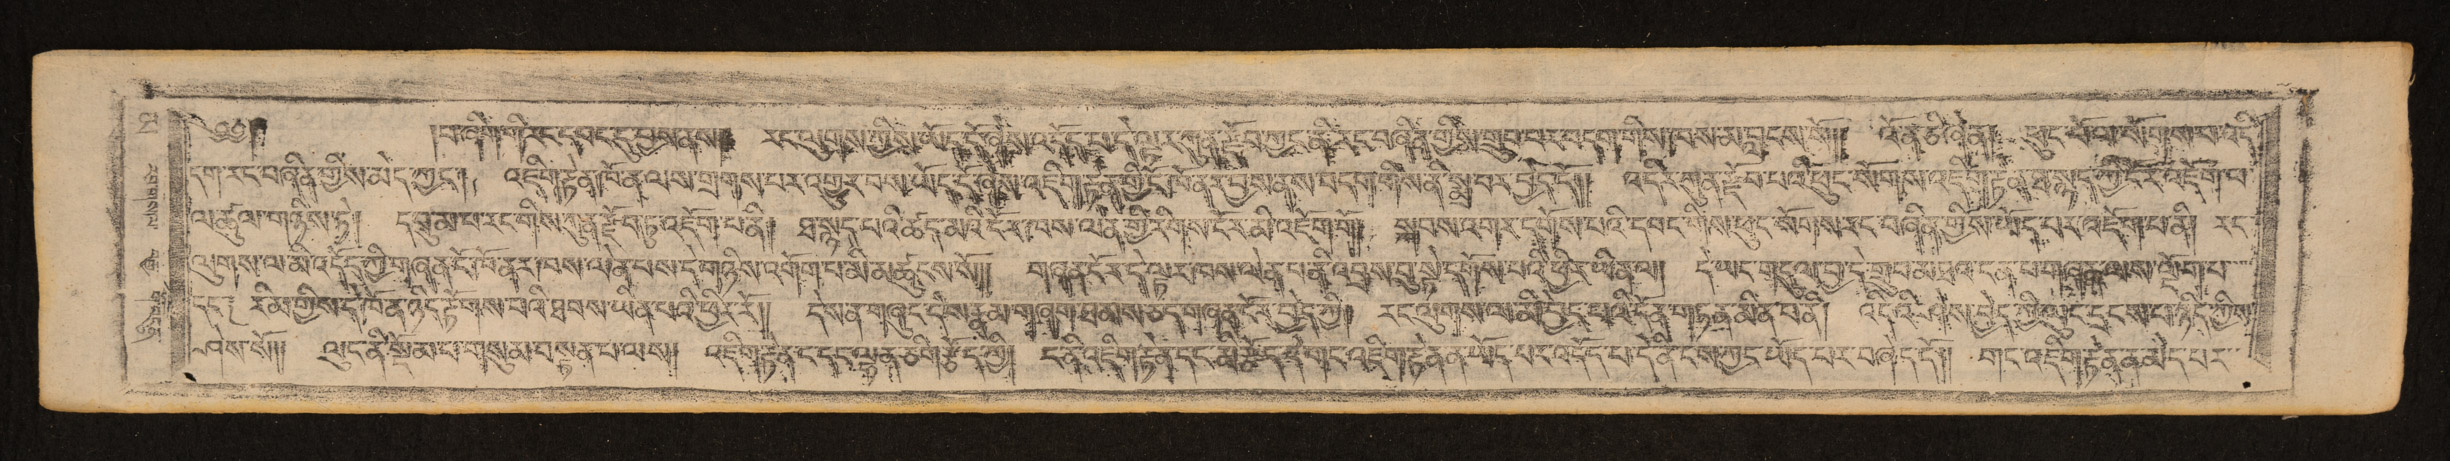༄༅། །པ་ཞིག་གི་རང་དབང་དུ་བྱས་ནས། རང་ལུགས་ཀྱིས་ཡོད་དོ་ཞེས་འདོད་པ་དེ་ལྟར་ཀུན་རྫོབ་ཀྱང་ནི་རང་བཞིན་གྱིས་གྲུབ་པར་བདག་གིས་ཁས་མ་བླངས་སོ།། འོ་ན་ཅི་ཞེ་ན། ཕུང་པོ་ལ་སོགས་པ་འདི་
དག་རང་བཞིན་གྱིས་མེད་ཀྱང་། འཇིག་རྟེན་ཁོ་ན་ལས་གྲགས་པར་འགྱུར་བས་ཡོད་དོ་ཞེས་འཇིག་རྟེན་གྱི་ངོ་ཁོ་ནར་བྱས་ནས་བདག་གིས་ནི་སྨྲ་བར་བྱེད་དོ།། འདིར་ཀུན་རྫོབ་པའི་ཕུང་སོགས་འཇིག་རྟེན་ཐ་སྙད་ཀྱི་ངོར་འཇོག་པ་
ལ་ཚུལ་གཉིས་ཏེ། དབུ་མ་རང་གིས་ཀུན་རྫོབ་ཏུ་འཇོག་པ་ནི། ཐ་སྙད་པའི་ཚད་མའི་ངོར་ཁས་ལེན་གྱི་རིགས་ངོར་མི་འཇོག་གོ། སྐབས་འགར་དགོས་པའི་དབང་གིས་ཕུང་སོགས་རང་བཞིན་གྱིས་ཡོད་པར་འཇོག་པ་ནི། རང་
ལུགས་ལ་མི་འདོད་ཀྱི་གཞན་ངོ་ཁོ་ནར་ཁས་ལེན་པས་དེ་གཉིས་འགོག་པ་མི་མཚུངས་སོ།། གཞན་ངོར་དེ་ལྟར་ཁས་ལེན་པ་ནི་འབྲས་བུ་སྟེ་དགོས་པའི་ཕྱིར་ཡིན་ལ། དེ་ཡང་གདུལ་བྱ་དེ་གྲུབ་མཐའ་ངན་པ་གཞན་ལས་ལྡོག་པ་
དང༑ རིམ་གྱིས་དེ་ཁོ་ན་ཉིད་རྟོགས་པའི་ཐབས་ཡིན་པའི་ཕྱིར་རོ།། དེས་ན་གཞུང་དེས་རྣམ་གཞག་ཐམས་ཅད་གཞན་ངོར་བྱེད་ཀྱི། རང་ལུགས་ལ་མི་བྱེད་པའི་དོན་གཏན་མིན་པ་ནི། འདིའི་ཤེས་བྱེད་ཀྱི་ལུང་དྲངས་པ་ཉིད་ཀྱིས་
ཤེས་སོ།། ལུང་ནི་སྡོམ་པ་གསུམ་བསྟན་པ་ལས། འཇིག་རྟེན་ང་དང་ལྷན་ཅིག་རྩོད་ཀྱི། ང་ནི་འཇིག་རྟེན་དང་མི་རྩོད་དེ་གང་འཇིག་རྟེན་ན་ཡོད་པར་འདོད་པ་དེ་ནི་ངས་ཀྱང་ཡོད་པར་བཞེད་དོ།། གང་འཇིག་རྟེན་ན་མེད་པར་